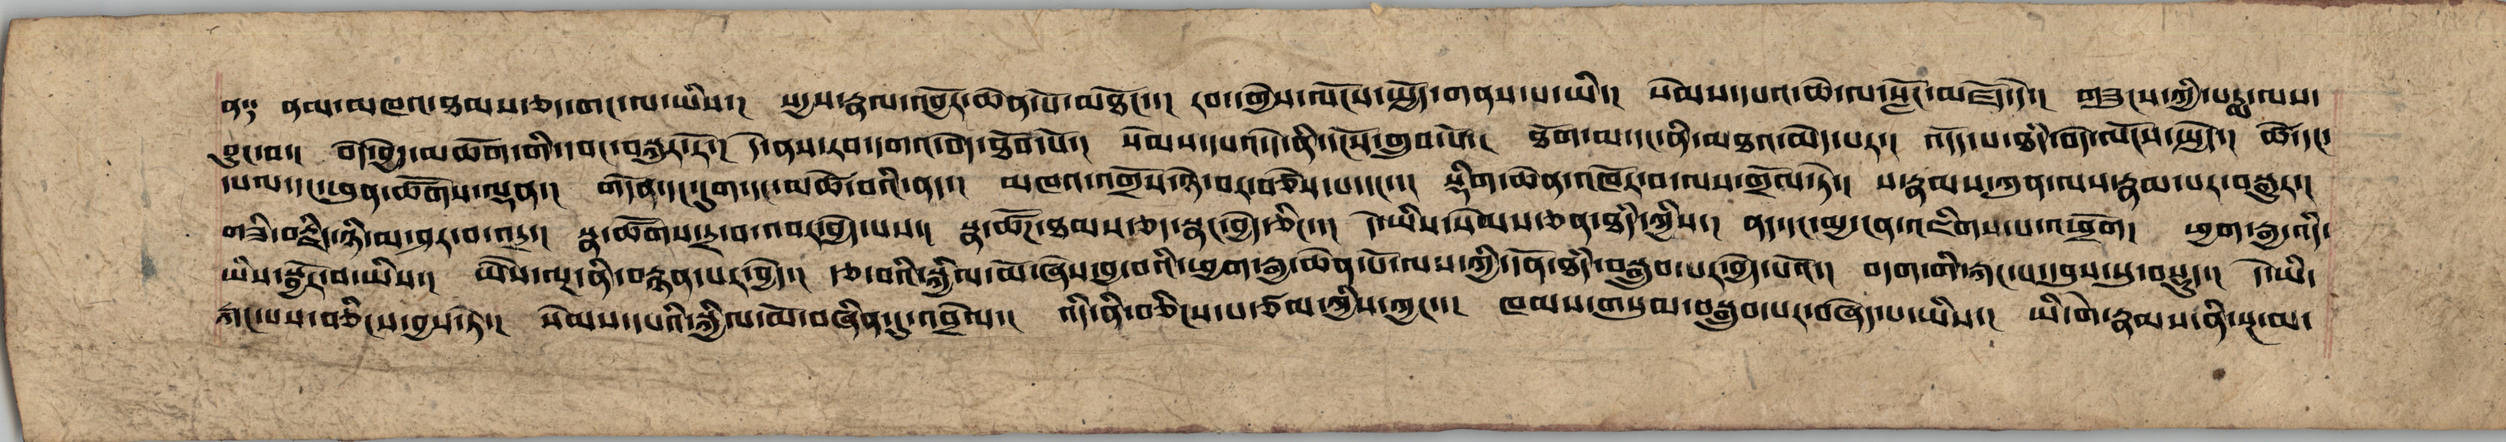ན༑ ནམ་མཁའ་ཐམས་ཅད་གང་ལ་ཡིས་། སདྱས་རྣལ་འབྱོར་ཆེན་པོར་མཐོང་་། རབ་དགྱེས་ལོངས་སྤྱོད་གནས་པ་ཡི་། སེམས་དཔའ་ཆེ་ལ་སློང་མཛོད་དེ་། གཟུངས་ཀྱི་པདྨ་ལས་
བྱུང་བ་། བདེ་བྱེད་མཆོག་གི་དབང་བསྐུར་རོ་། དེ་ནས་རབ་དགའ་བདེ་ཐོབ་པོ་། སེམས་དཔའ་དེ་ནི་དངོས་གྲུབ་པོ་། ཐོག་མ་དང་ནི་མཐའ་མེད་པར་། འདོད་པ་ཐཾད་བདེ་ལོངས་སྤྱོད་། ཚེ་དང་
དཔལ་དང་ཕུན་ཚོགས་ལྡན་། གདོན་དང་དུག་དང་མཚེ་བའི་ནད་། མཁའ་འགྲོས་ཉེ་བར་བཙེས་པ་དང་་། སྡིག་ཆེན་འཁོར་བ་ལས་གྲོལ་ཏེ་། ས་རྣམས་ཀུན་ལས་རྣམ་པར་བསྒྱུར་།
གཟི་བརྗིད་ཉི་མ་ཤར་བ་འདྲ་། སྣ་ཚོགས་དྲ་བ་འབར་བྱེད་པས་། སྣ་ཚོགས་ཐམས་ཅད་སྣང་བྱེད་ཅིང་་། དེ་ཡིས་སེམས་ཅད་ཐཾད་ཀྱིས་། ནད་དང་མྱ་ངན་འཇིགས་པ་འཕྲོག། ཕྱག་རྒྱ་འདི་
ཡིས་སྦྱོར་བ་ཡིས་། ཡཻས་ལྔ་ནི་བརྙན་པར་བྱེད་། རྩ་བའི་སྐྱིལ་མོ་ཞེས་བྱ་བའི་ཕྱག་རྒྱ་ཆེན་པོ་ལས་ཀྱི་དོན་ཐཾད་བསྒྲུབ་པར་བྱེད་པའོ་། བདག་གི་རྐང་པ་དབུས་སུ་བསྡུད་། དེ་ཡི་
རྐང་པས་བཅིངས་བྱས་ཏེ་། སེམས་དཔའི་སྐྱིལ་མོ་བཞིན་དུ་འབྲེལ་། འདི་ནི་བཅིངས་པ་ཙམ་ཀྱིས་ཀྱང་་། ཁམས་གསུམ་བསྒྲུབ་པར་བཞེད་པ་ཡིས་། ཡི་གེ་རྣམས་ནི་སྔ་མ་